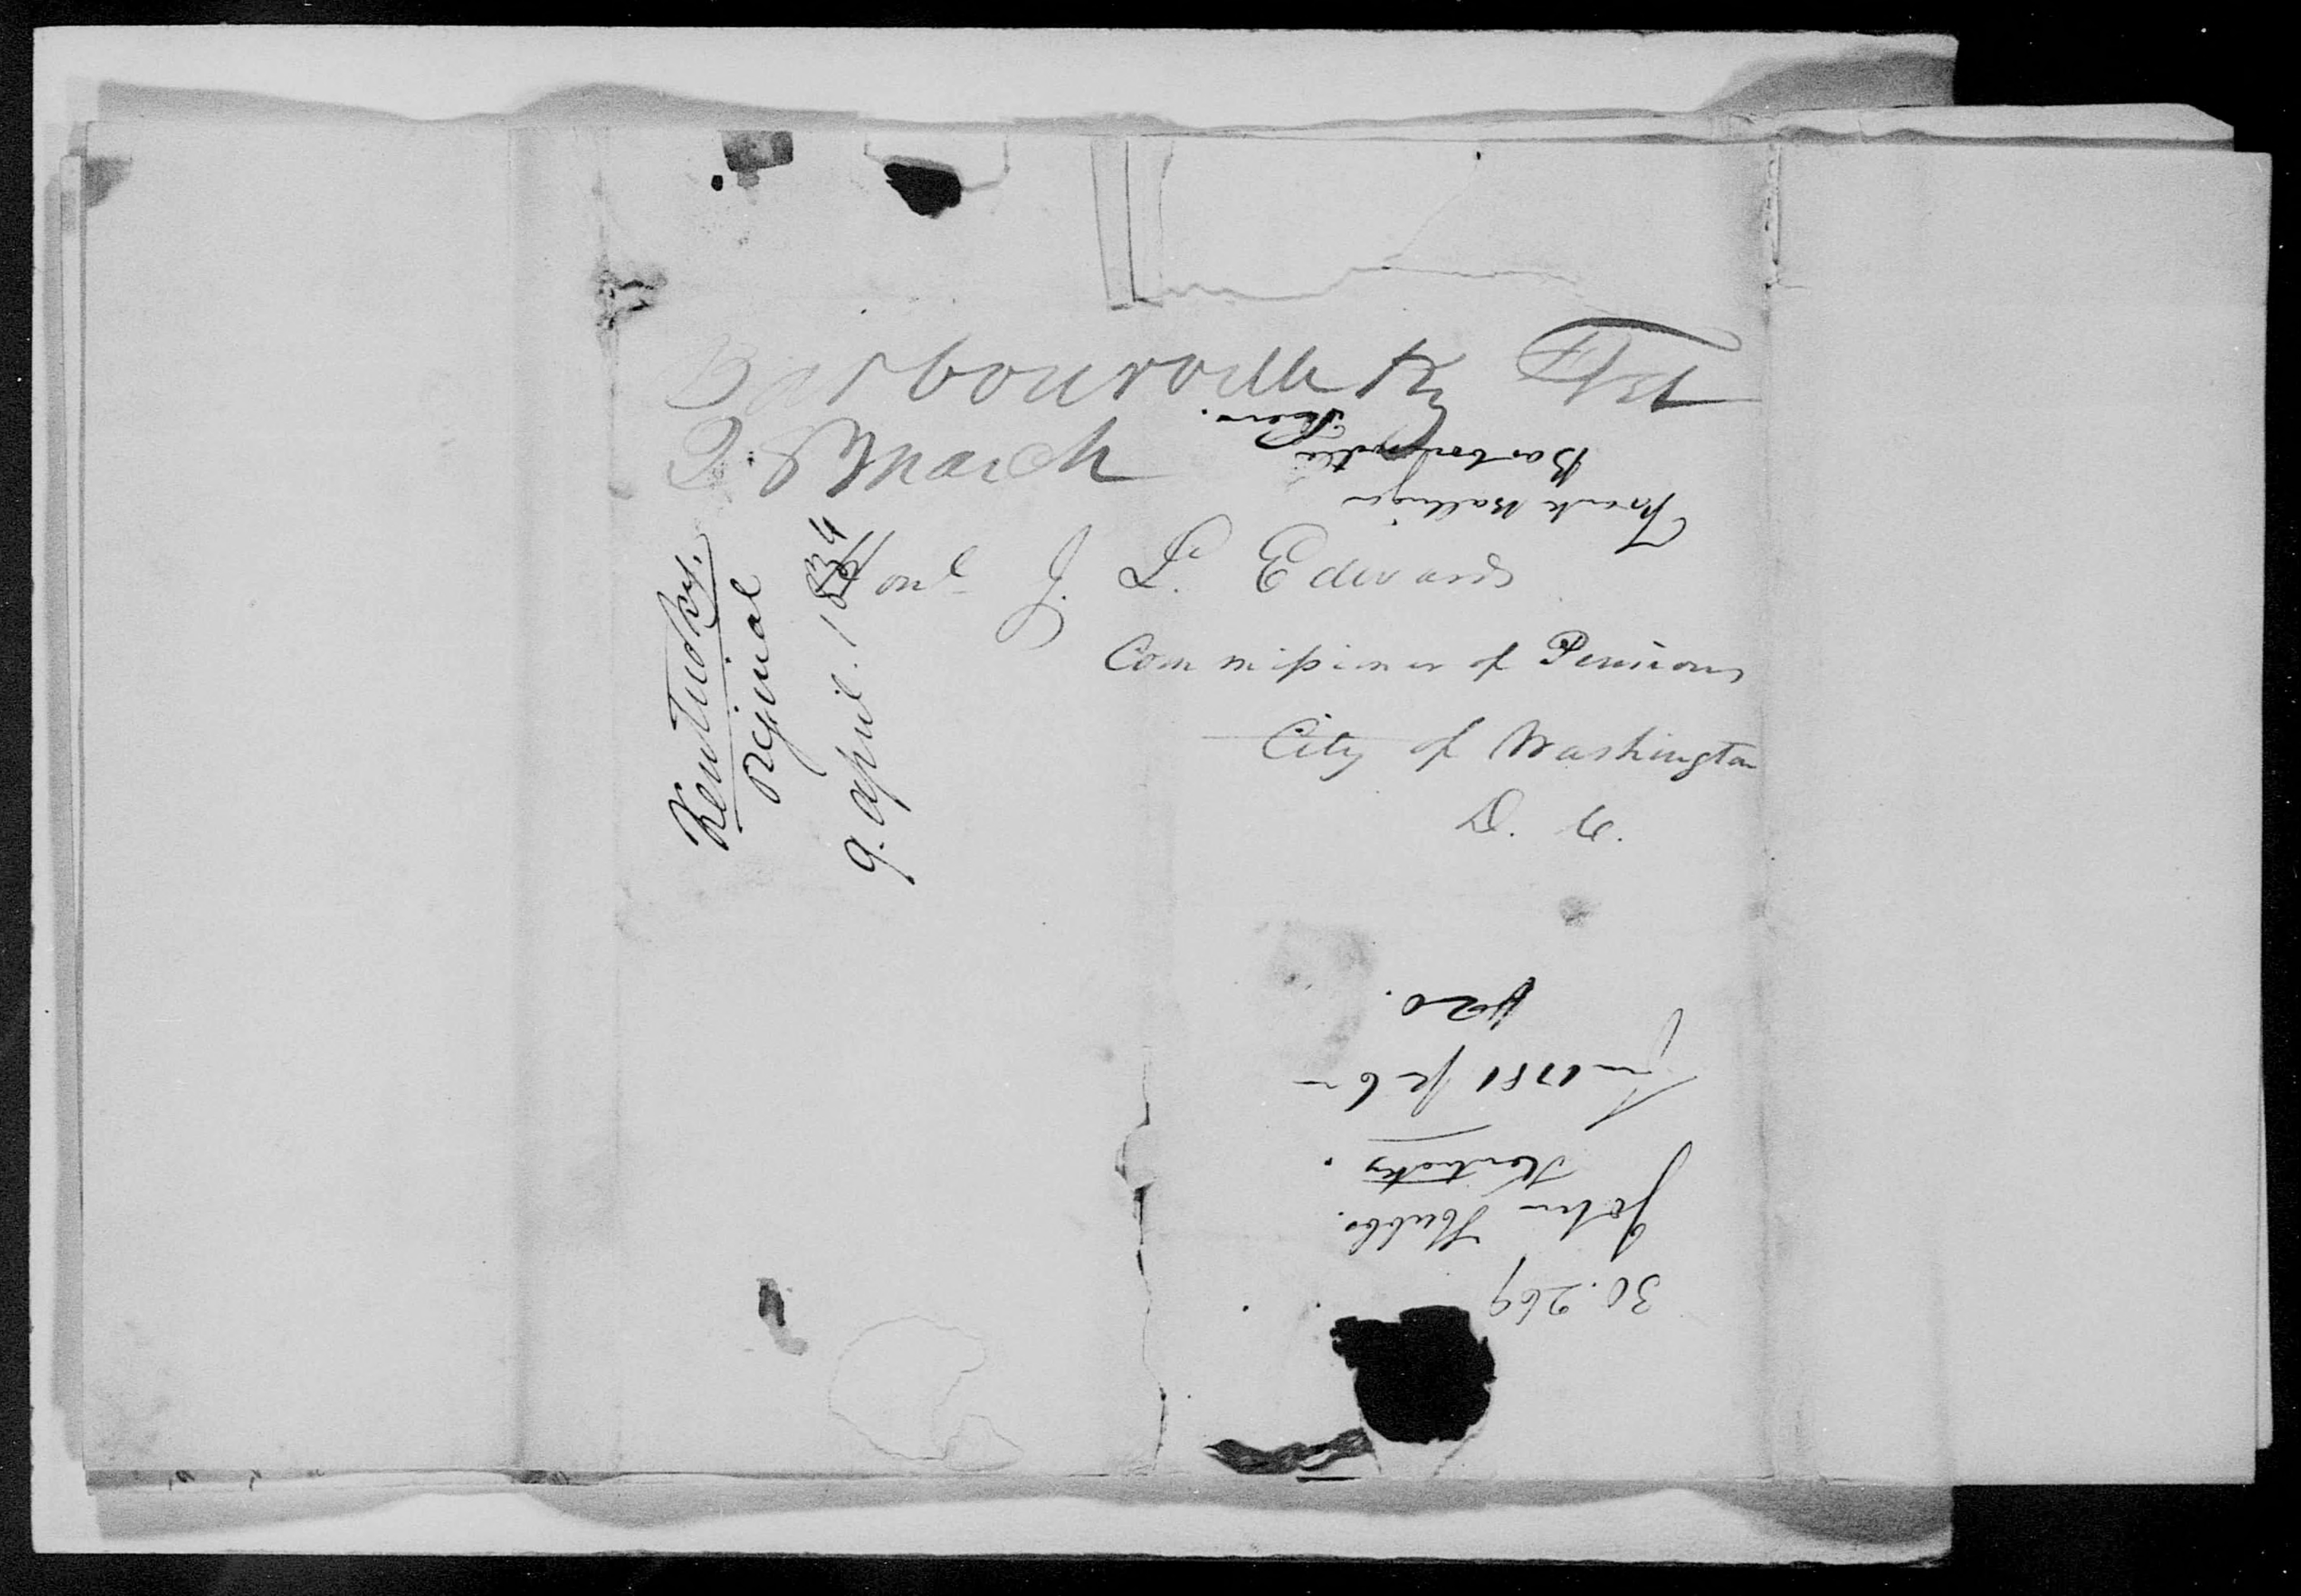Barbourville Ky 28 March   Free Honl. J.L. Edwards Commissioner of Pensions City of Washington D.C. ( vertical notes ) ( Kentucky original  9 April 1834 ( upside down notes ) (  30.296 John Hubbs Kentucky private of C $20 )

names: J L Edwards, John Hubbs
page: 5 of 86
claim: widow's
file: W. 1035, John Hubbs, S.C.